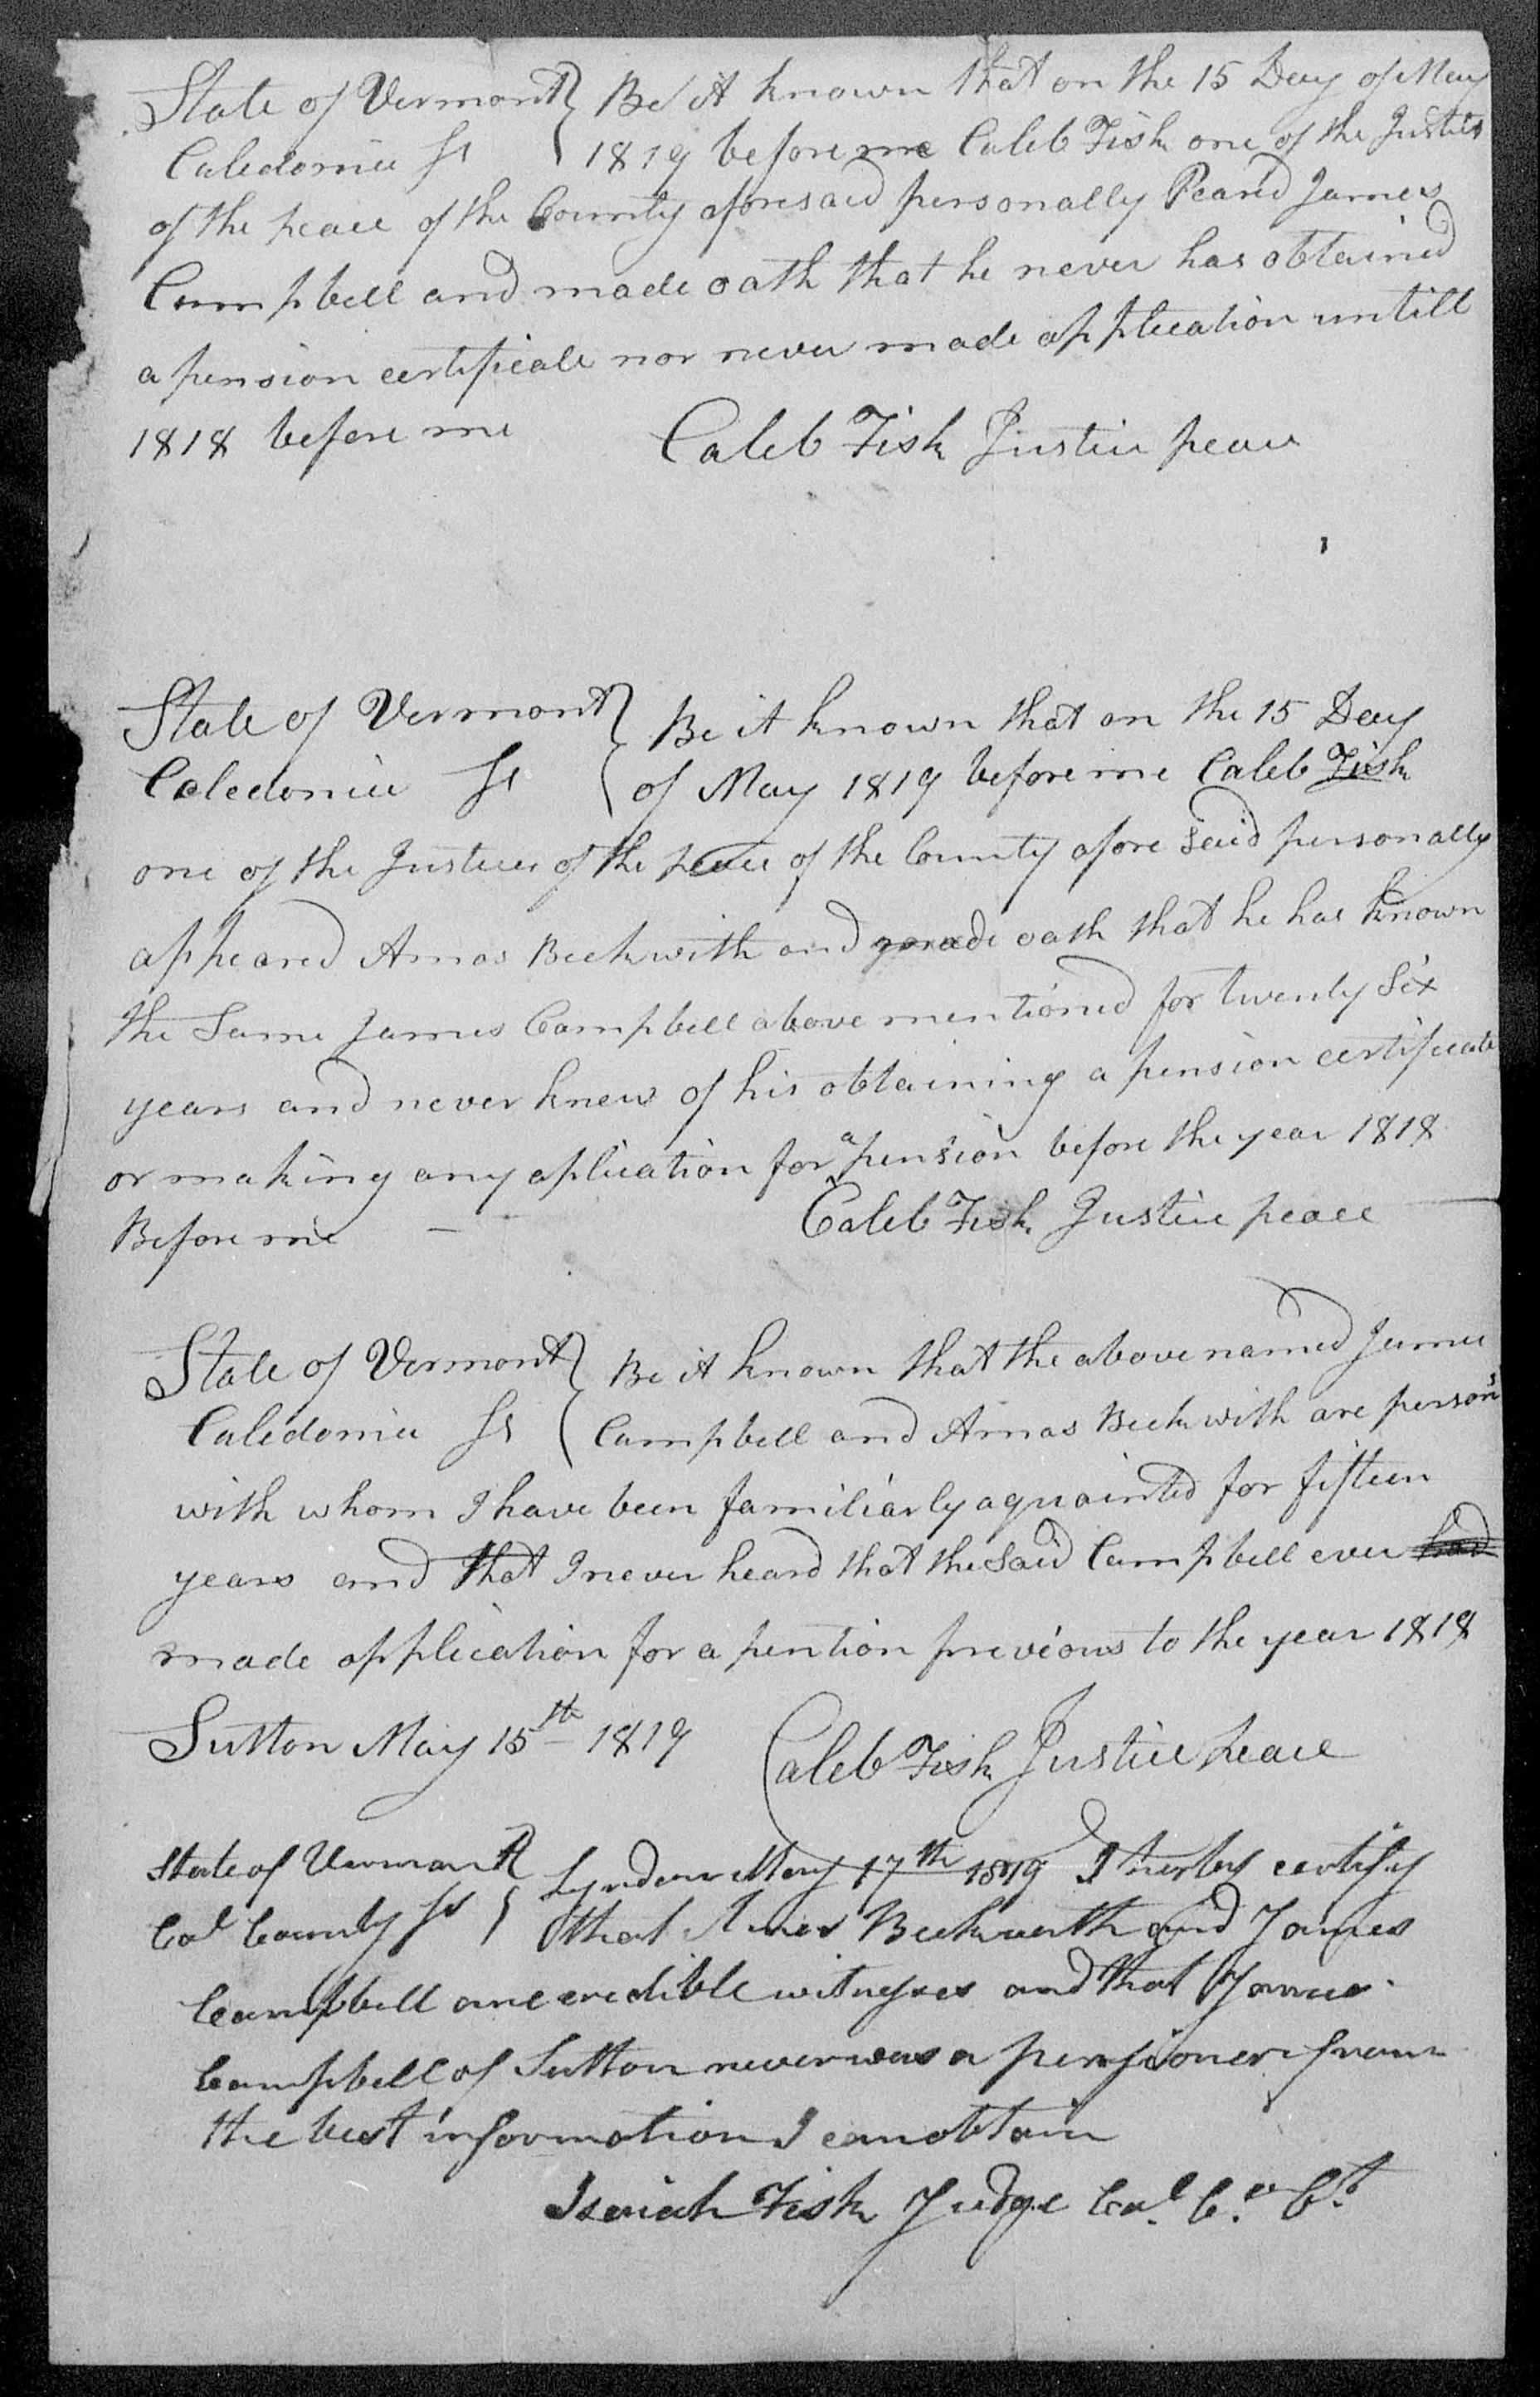State of Vermont}
Caledonia ss} Be it known that on the 15 Day of May 1819 before me Caleb Fish one of the Justices of the peace of the County aforesaid personally Peared (appeared) James
 Campbell and made oath that he never has obtained a pension certificate nor never made application untill (until) 1818 before me
Caleb Fisk Justice peace


State of Vermont} 
Caledonia ss) Be it known that on the 15 Day of May 1819 before me Caleb Fish one of the Justices of the peace of the County aforesaid personally appeared Amos Beckwith and made oath that he has known the Same James Campbell above mentioned for twenty Six years and never knew of his obtaining a pension certificate or making any aplication (application) for pension before the year 1818
Before me
Caleb Fish Justice peace


State of Vermont} 
Caledonia ss} Be it known that the above named James Campbell and Amas Beckwith are persons with whom I have been familiarly aquainted (acquainted) for fifteen years and that I never heard that the said Campbell ever
made application for a pention (pension) previous to the year 1818
Sutton May 15th - 1819
Caleb Fish Justice Peace


State of Vermont}
Col County ss} Lyndon May 17th 1819 I hereby certify that Amos Beckwith and James
Campbell and credible witnesses and that James Campbell of Sutton never was a pensioner from the best information I can obtain
Isaiah Fisk Judge Cal. Co. Ct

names: Campbell, James Campbell, Caleb Fisk, Amos Beckwith, James Campbell, Amos Beckwith, Amos Beckwith, Isaiah Fisk, Caleb Fisk, Caleb Fisk, Caleb Fisk, James Campbell, James Campbell, James Campbell, Caleb Fisk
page: 55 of 67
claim: widow's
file: W. 23772, James Campbell, Continental Mass.